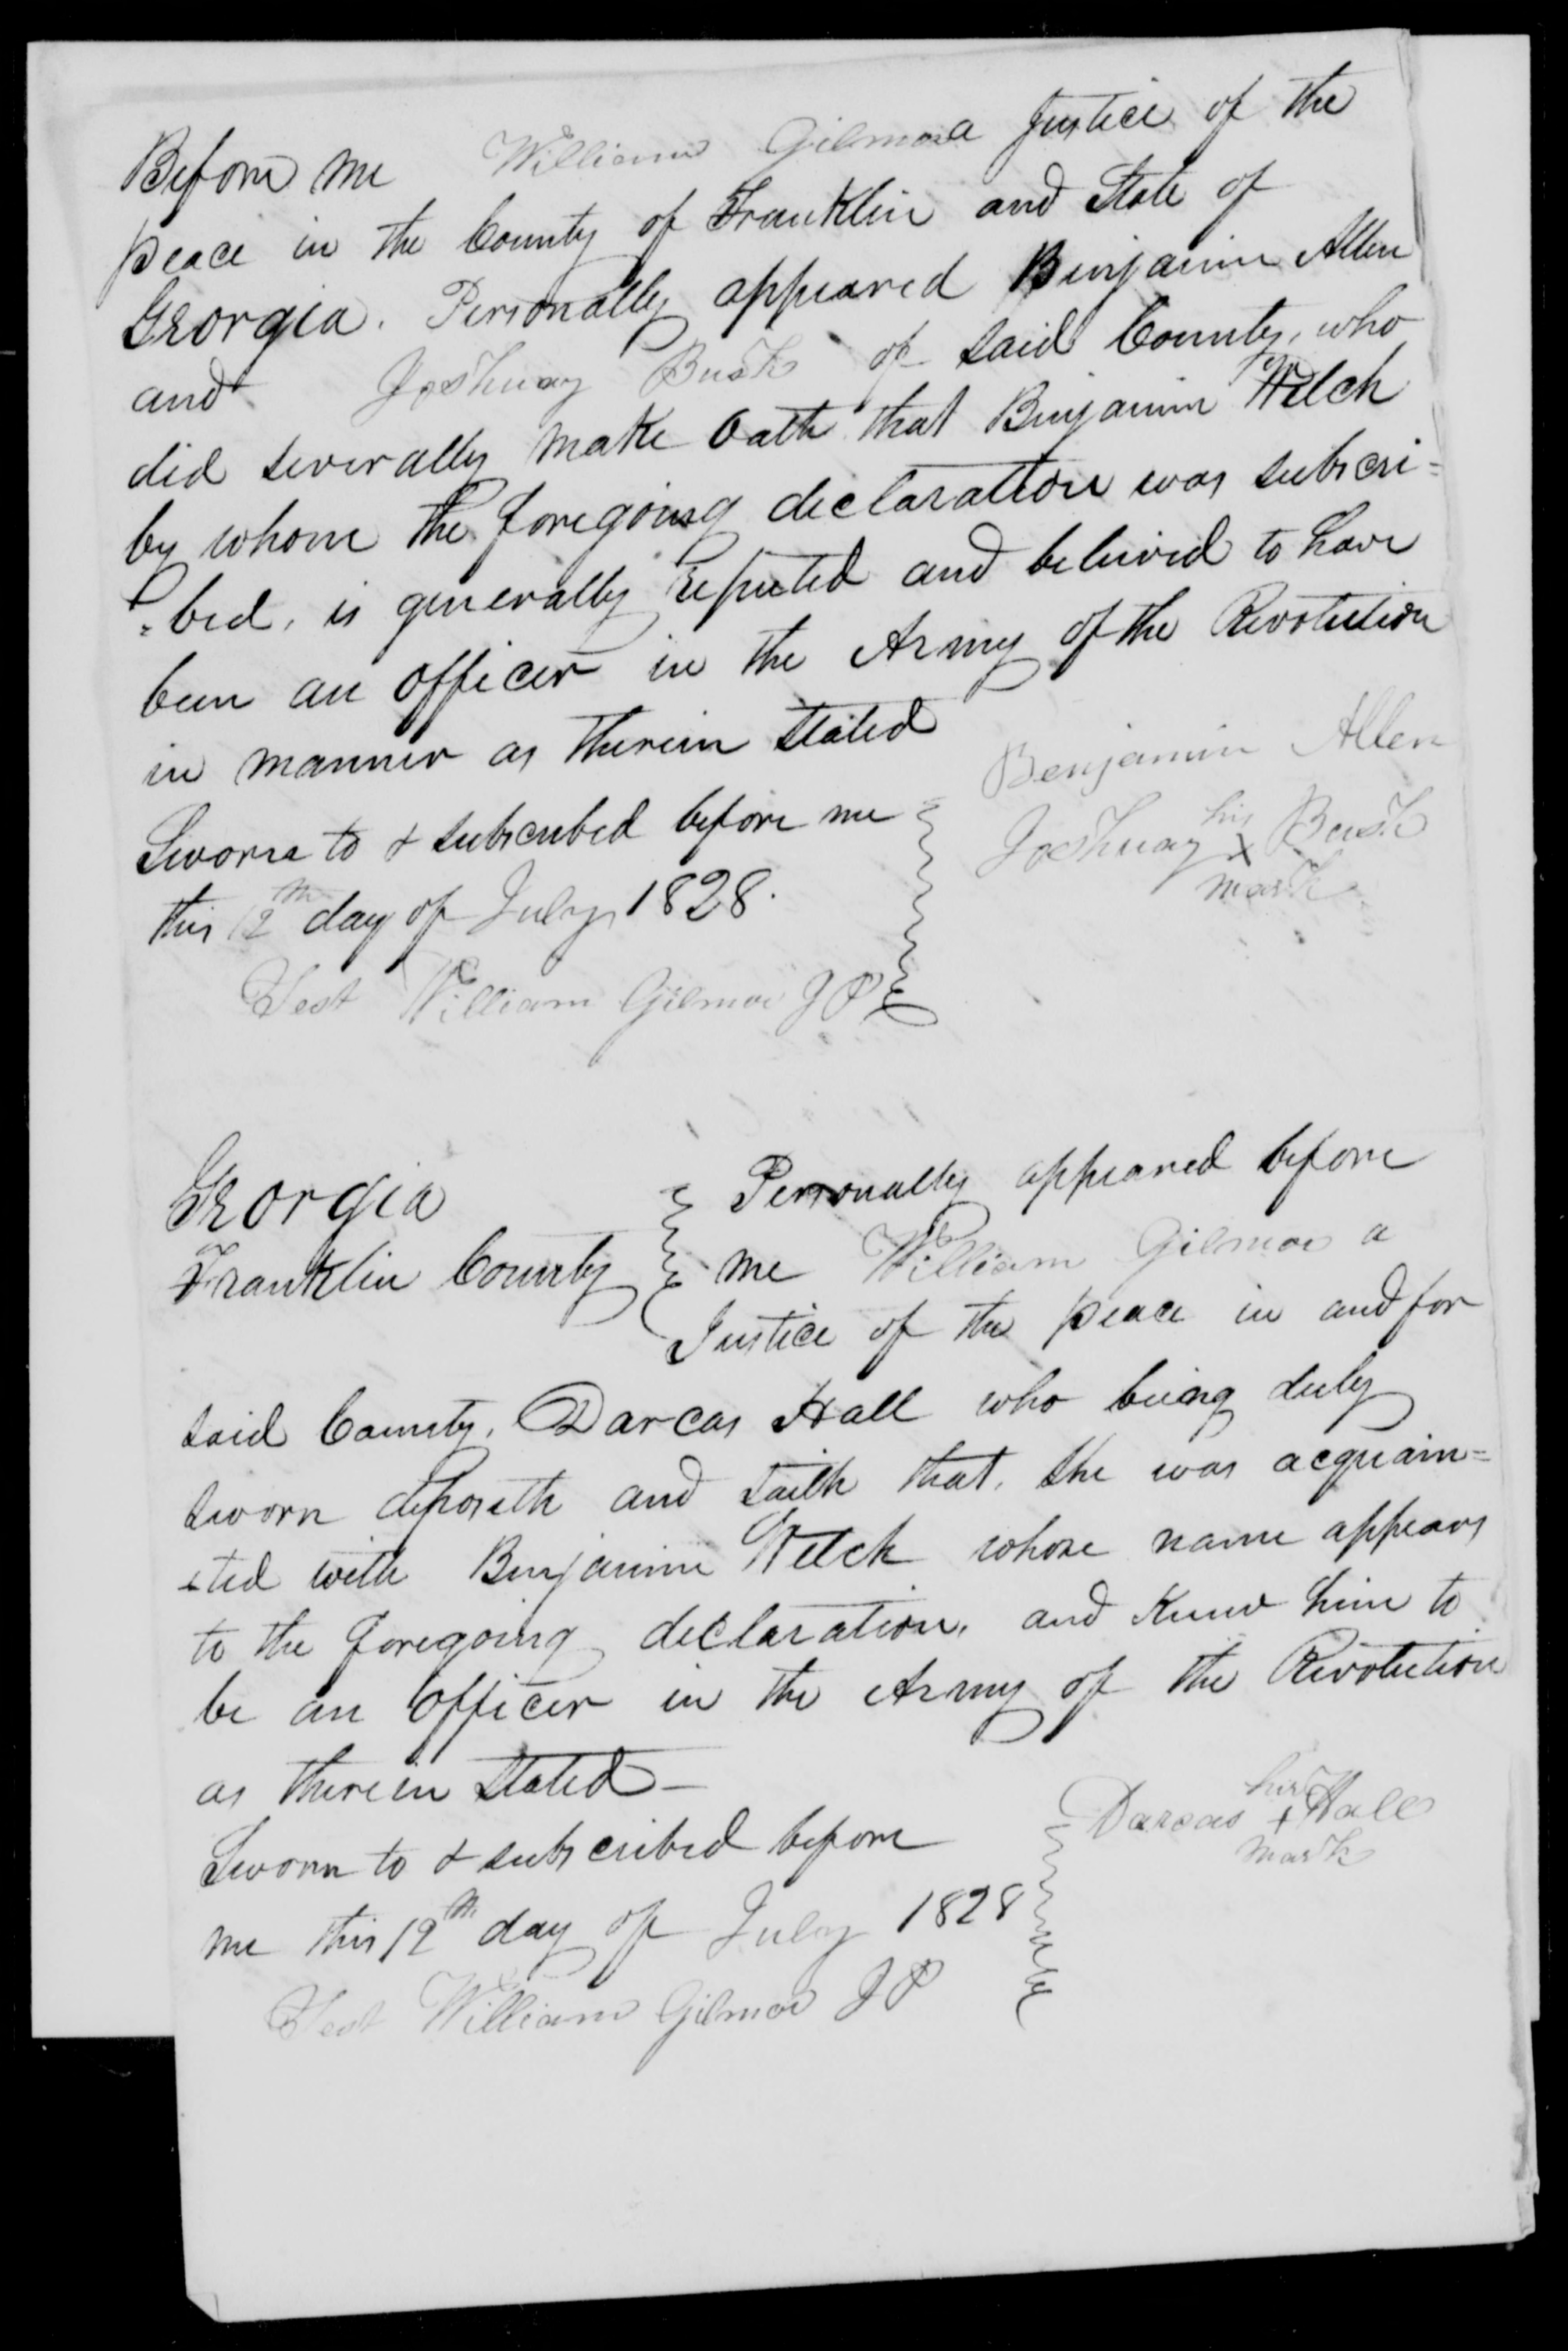Before me William Gilmor Justice of the 
peace in the County of Franklin and State of
Georgia. Personally appeared Benjamin Allen
and Joshuay Busk of said County, who
did severally make oath that Benjamin Allen 
by whom the forgoing declaration way subscri
bed in generally uphold and believed to have
been an officer in the Army of the Revolution
in manner as there in Stated 
Sworn to and described before me
this 12th day of July 1828
William Gilmor JO
Benjamin Allen
Joshuay his Busk

Georgia 
Franklin County
Personally appeared before 
me William Gilmor a 
Justice of the peace in and for
said County, Darcas Hall who being duly
sworn diporth and saith that she was acquain-
ted with Benjamin Welch whose name appears
to the foregoing declaration and known heir to 
be an officer in the Army of the Revolution
as there in stated
Sworn to and described before
me this 12th day of July 1828
William Gilmor J O 
Darcus her Hall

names: Benjamin Welch, Benjamin Allen, Darcas Hall, William Gilmore, Joshuay Busk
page: 3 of 23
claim: rejected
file: R. 20,446, Benjamin Welch, Ga.